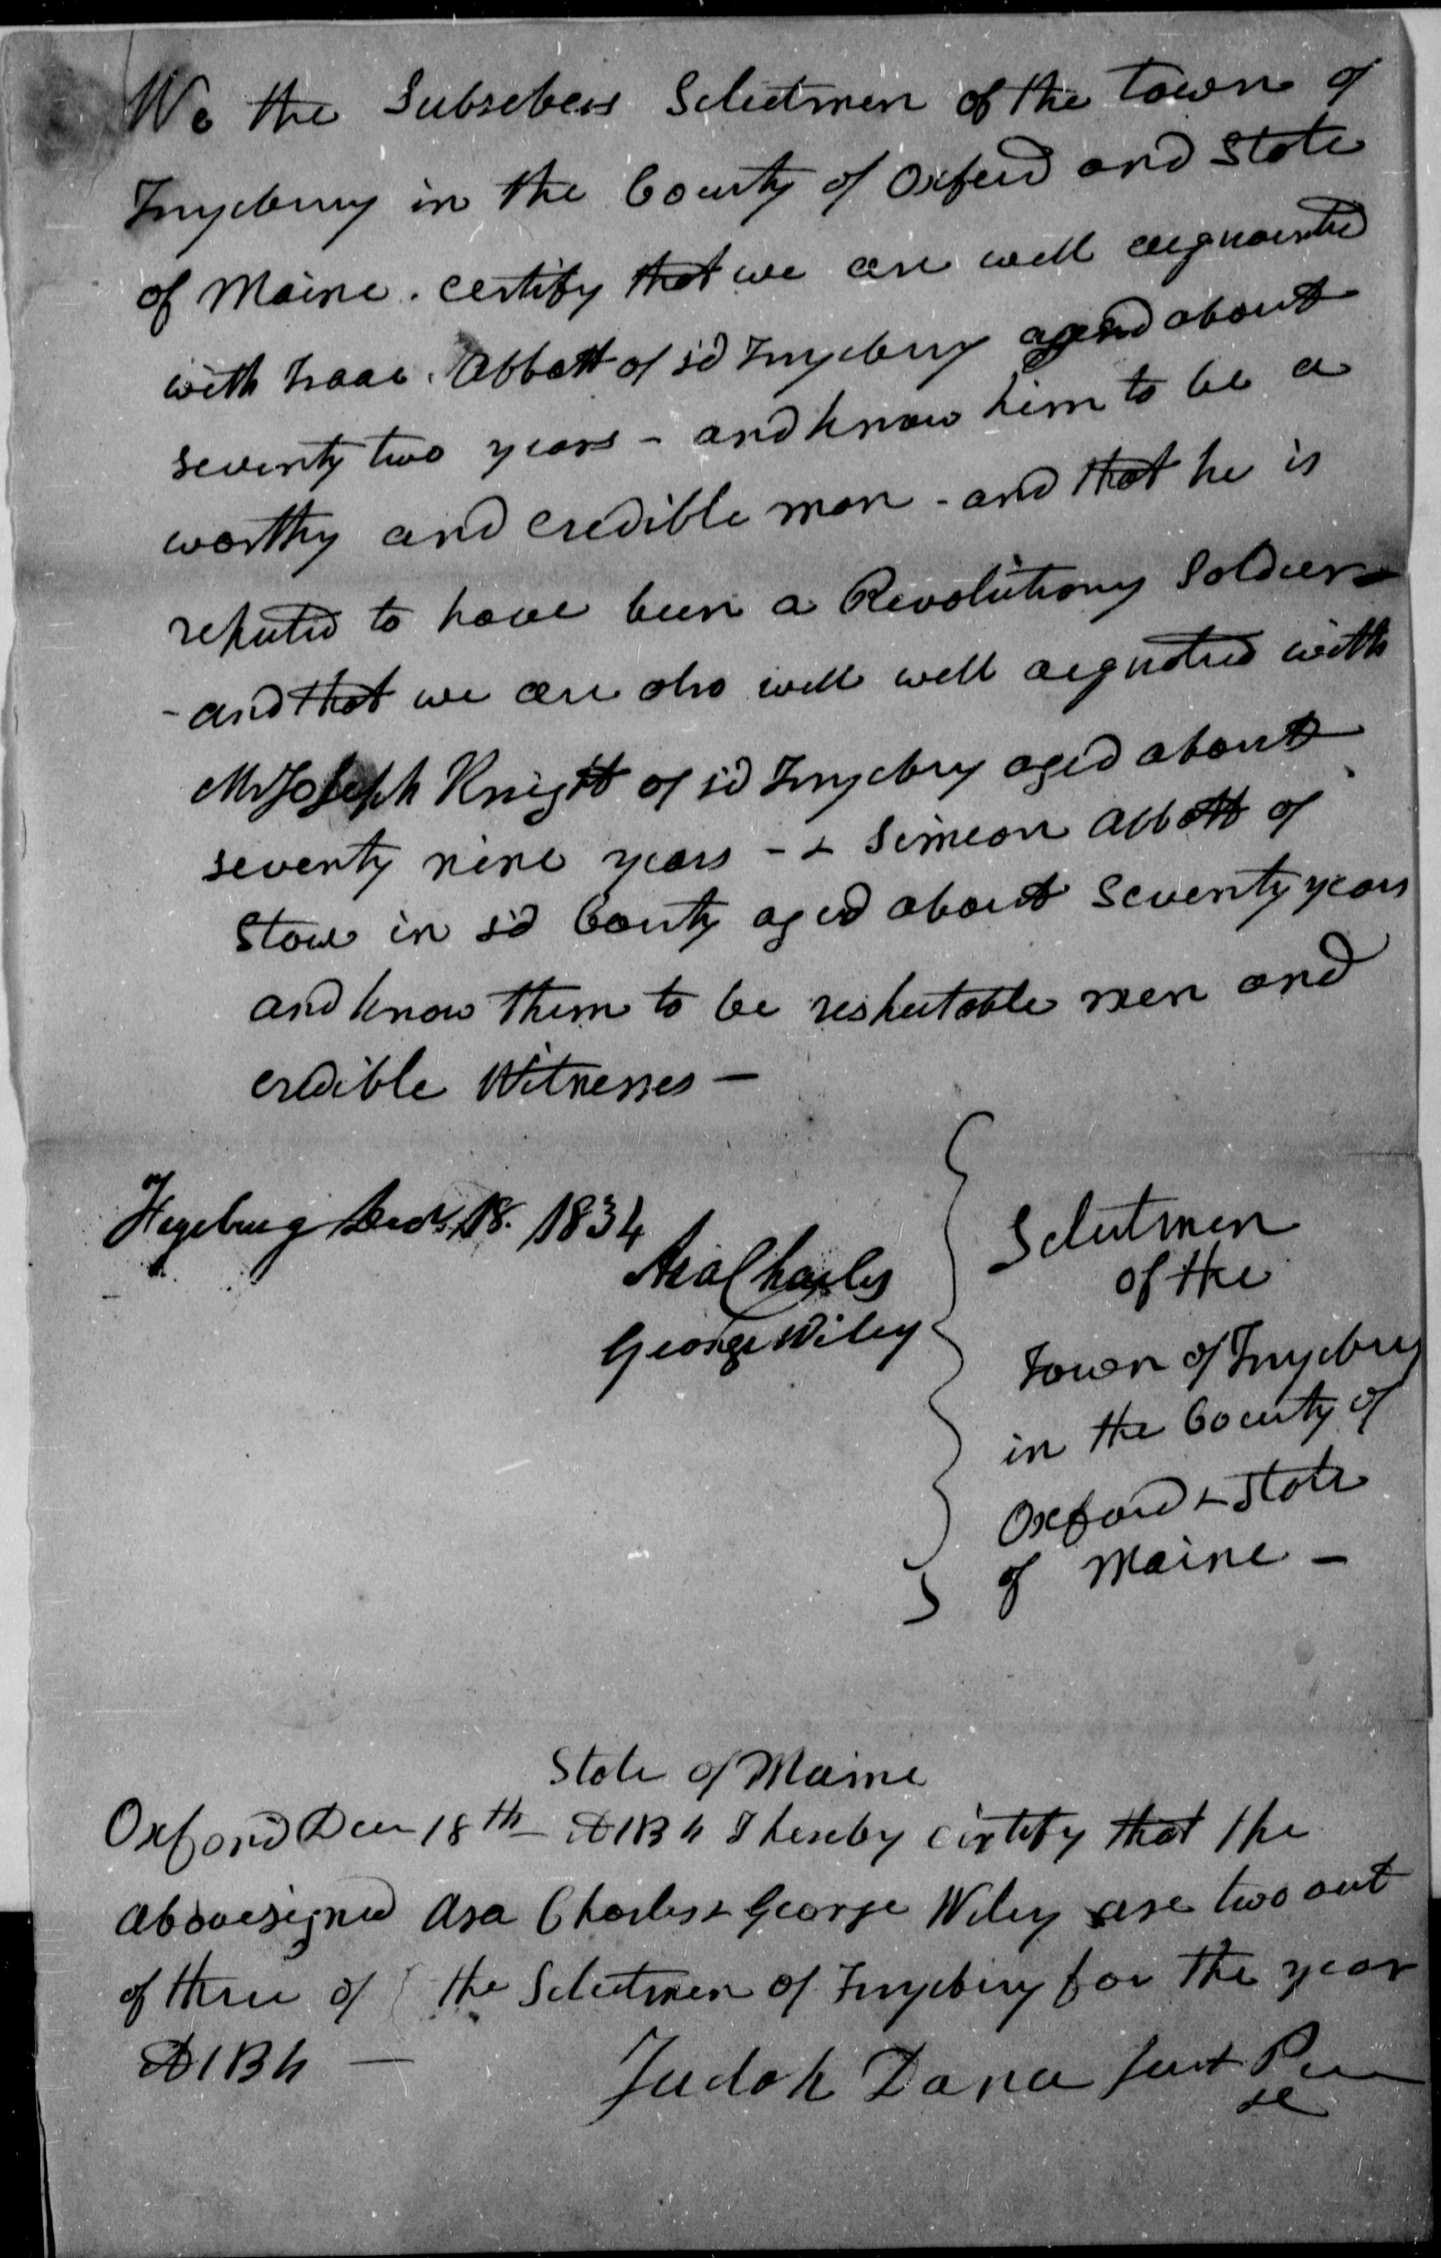We, the subscribers, selectmen of the Town of Fryeburg in the County of Oxford and State of Maine, certify that we are well acquainted with Isaac Abbott of said Fryeburg, aged about seventy-two years - and know him to be a worthy and credible man - and that his is reputed to have been a Revolutionary Soldier - and that we are also well acquainted with Mr. Joseph Knight, of said Fryeburg aged about seventy-nine years - I, Simon Abbott of Stowe in said County, aged about seventy years and know them to be respectable men and credible witnesses -

Fryeburg Aug. 18, 1834

[SIGNED: Asa Charles]{
[SIGNED: George Wiley]{
{Selectmen of the Town of Fryeburg in the County of Oxford + State of Maine -


State of Maine
Oxford, Dec 18th, A.D. 1834. I hereby certify that the above signed Asa Charles + George Wiley, were two out of three of the Selectmen of Fryeburg for the year A.D. 1834

[SIGNED: Judah Dana] Just Peace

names: Asa Charles, George Wiley, Isaac Abbott, Asa Charles, George Wiley, Simeon Abbott, Joseph Knight, Judah Dana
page: 39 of 86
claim: survivor's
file: S 29,568, Isaac Abbot, Mass